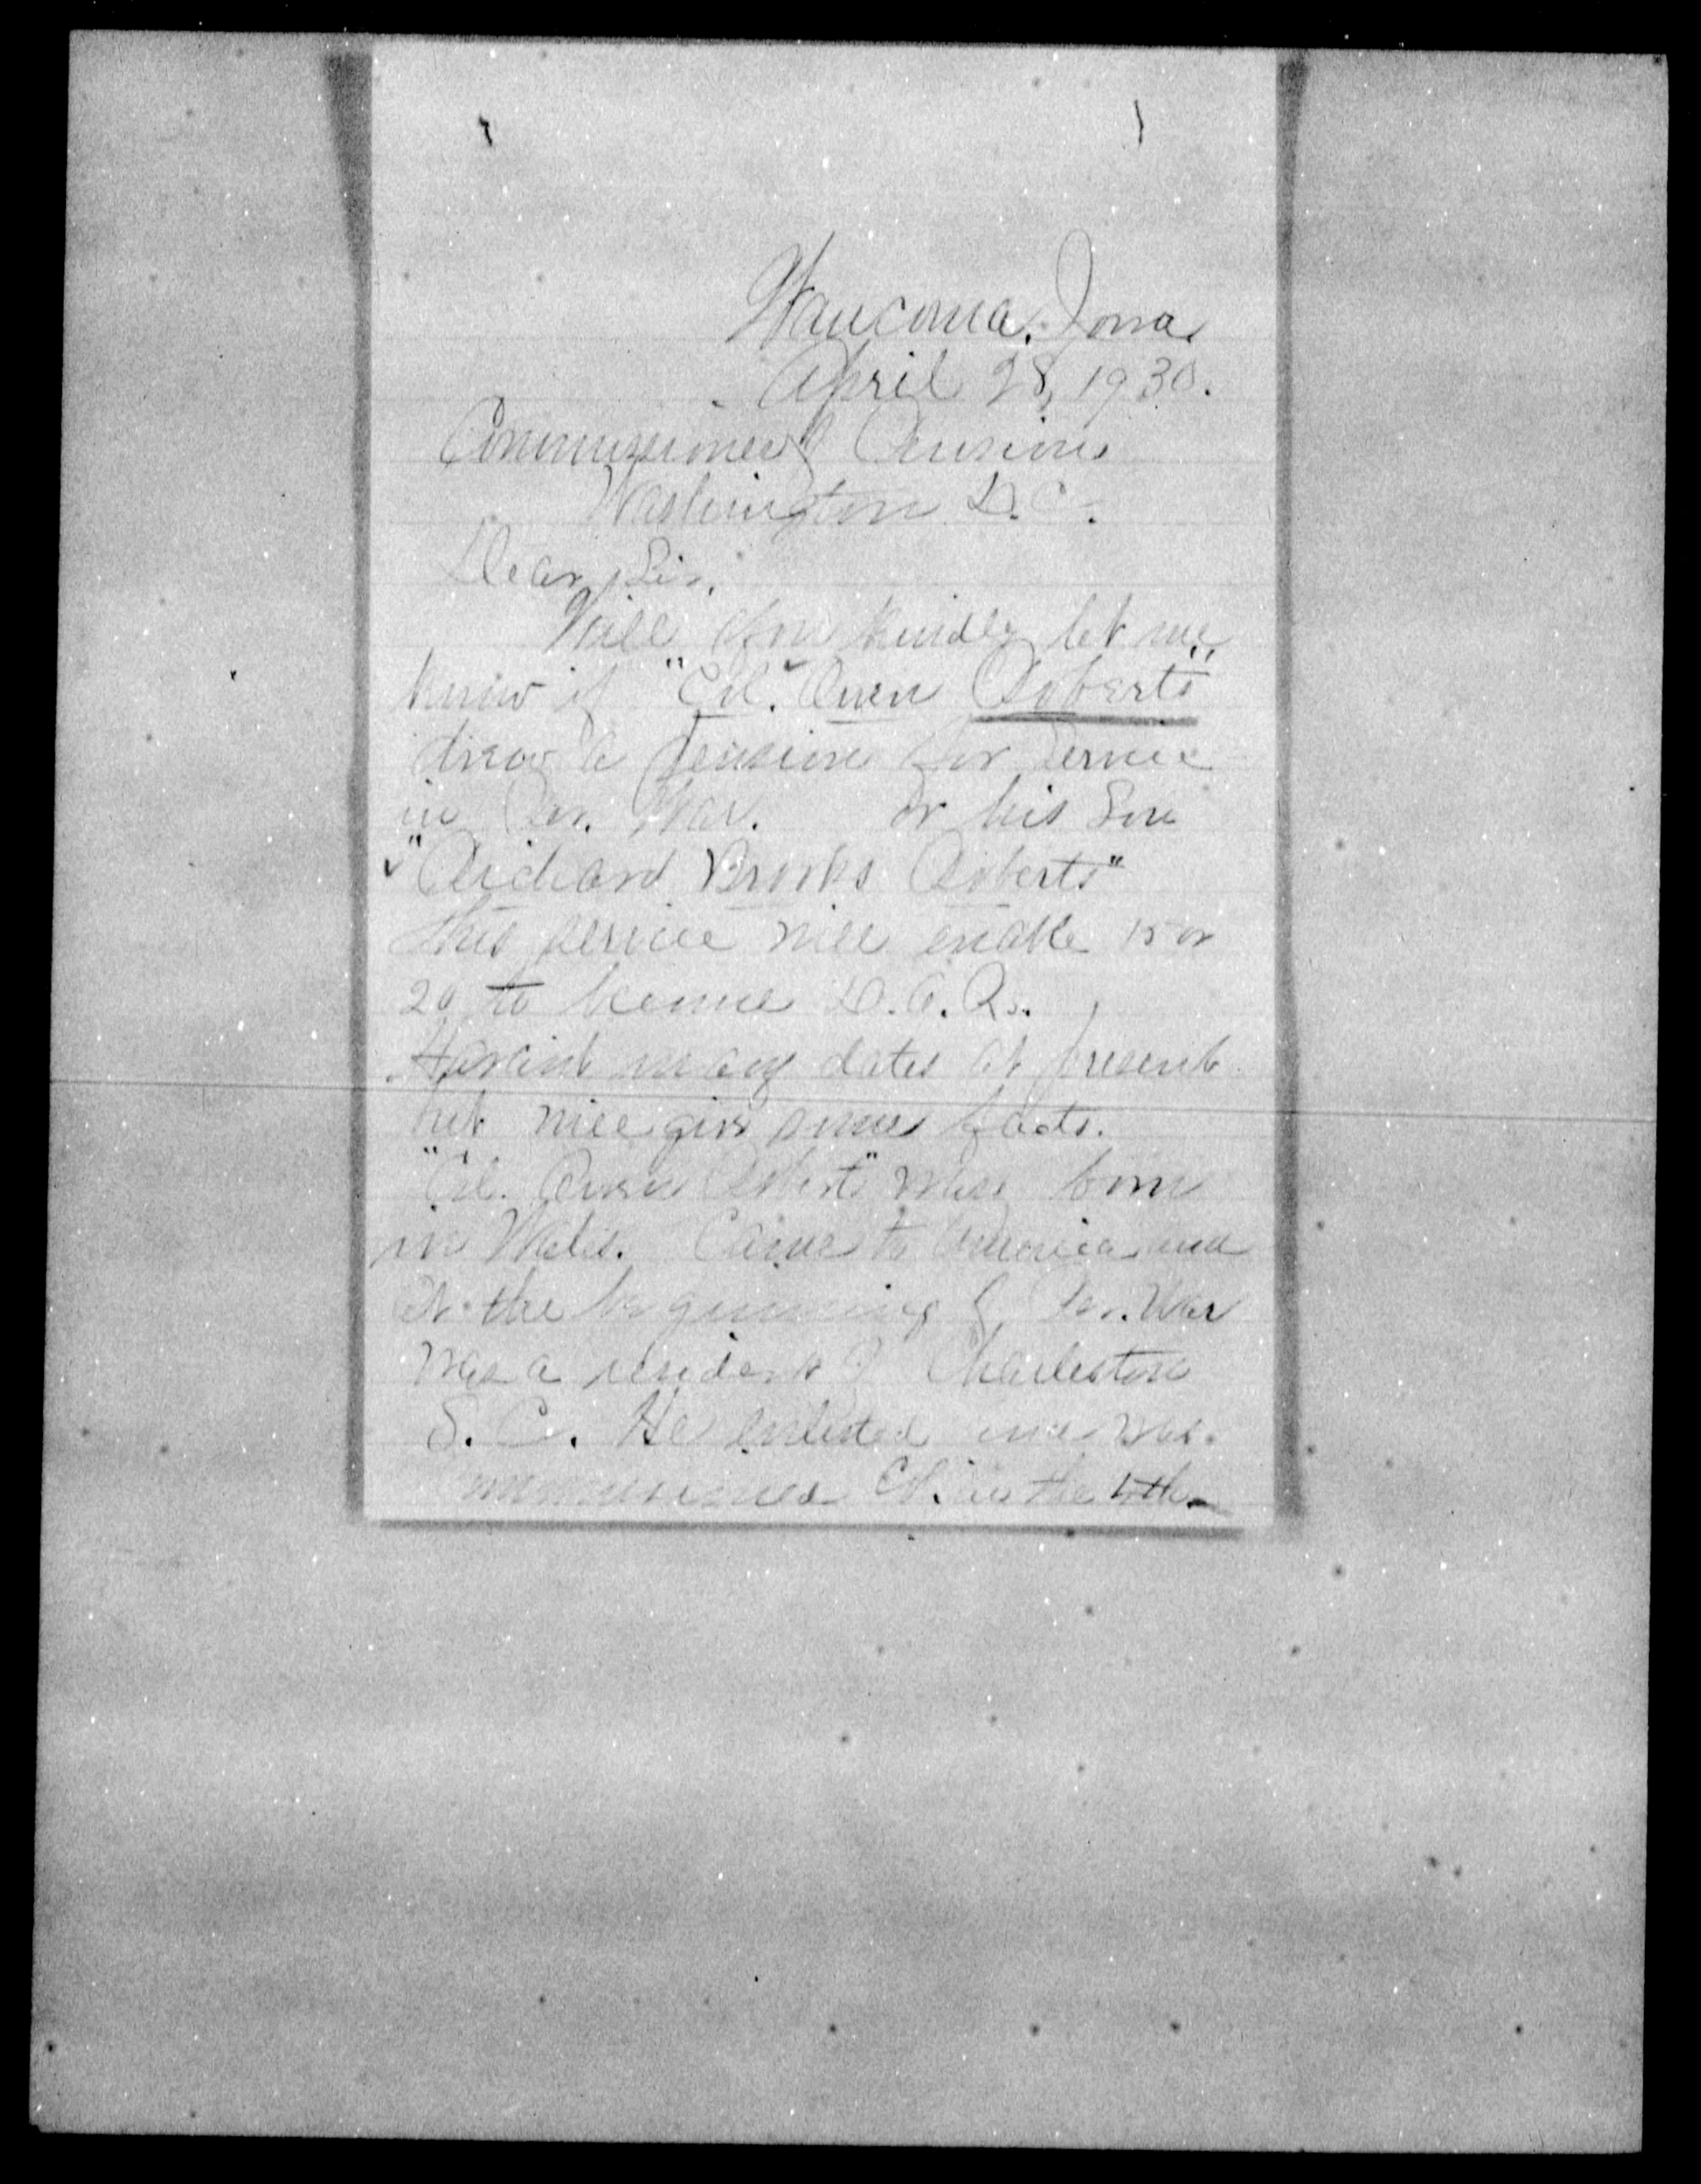Waucoma, Iowa
April 28, 1930.

Commissioner of Pensions
Washington D.C.

Dear Sir:

Will you kindly let me
know if "Col. Owen Roberts"
drew a pension for service
in Rev. War.  or his son
"Richard Brooks Roberts".
This service will enable 15 or
20 to become [?] D.A.R.s
[illegible] many dates at present
but will give some facts.
"Col. Owen Roberts" was born 
in Wales.  Came to American and
at the beginning of Rev. War
was a resident of Charleston
S.C.  He enlisted in [illegible]
[illegible] in the 4th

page: 32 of 59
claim: bounty land warrant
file: B.L.Wt. 2359-500, for Owen Roberts, South Carolina